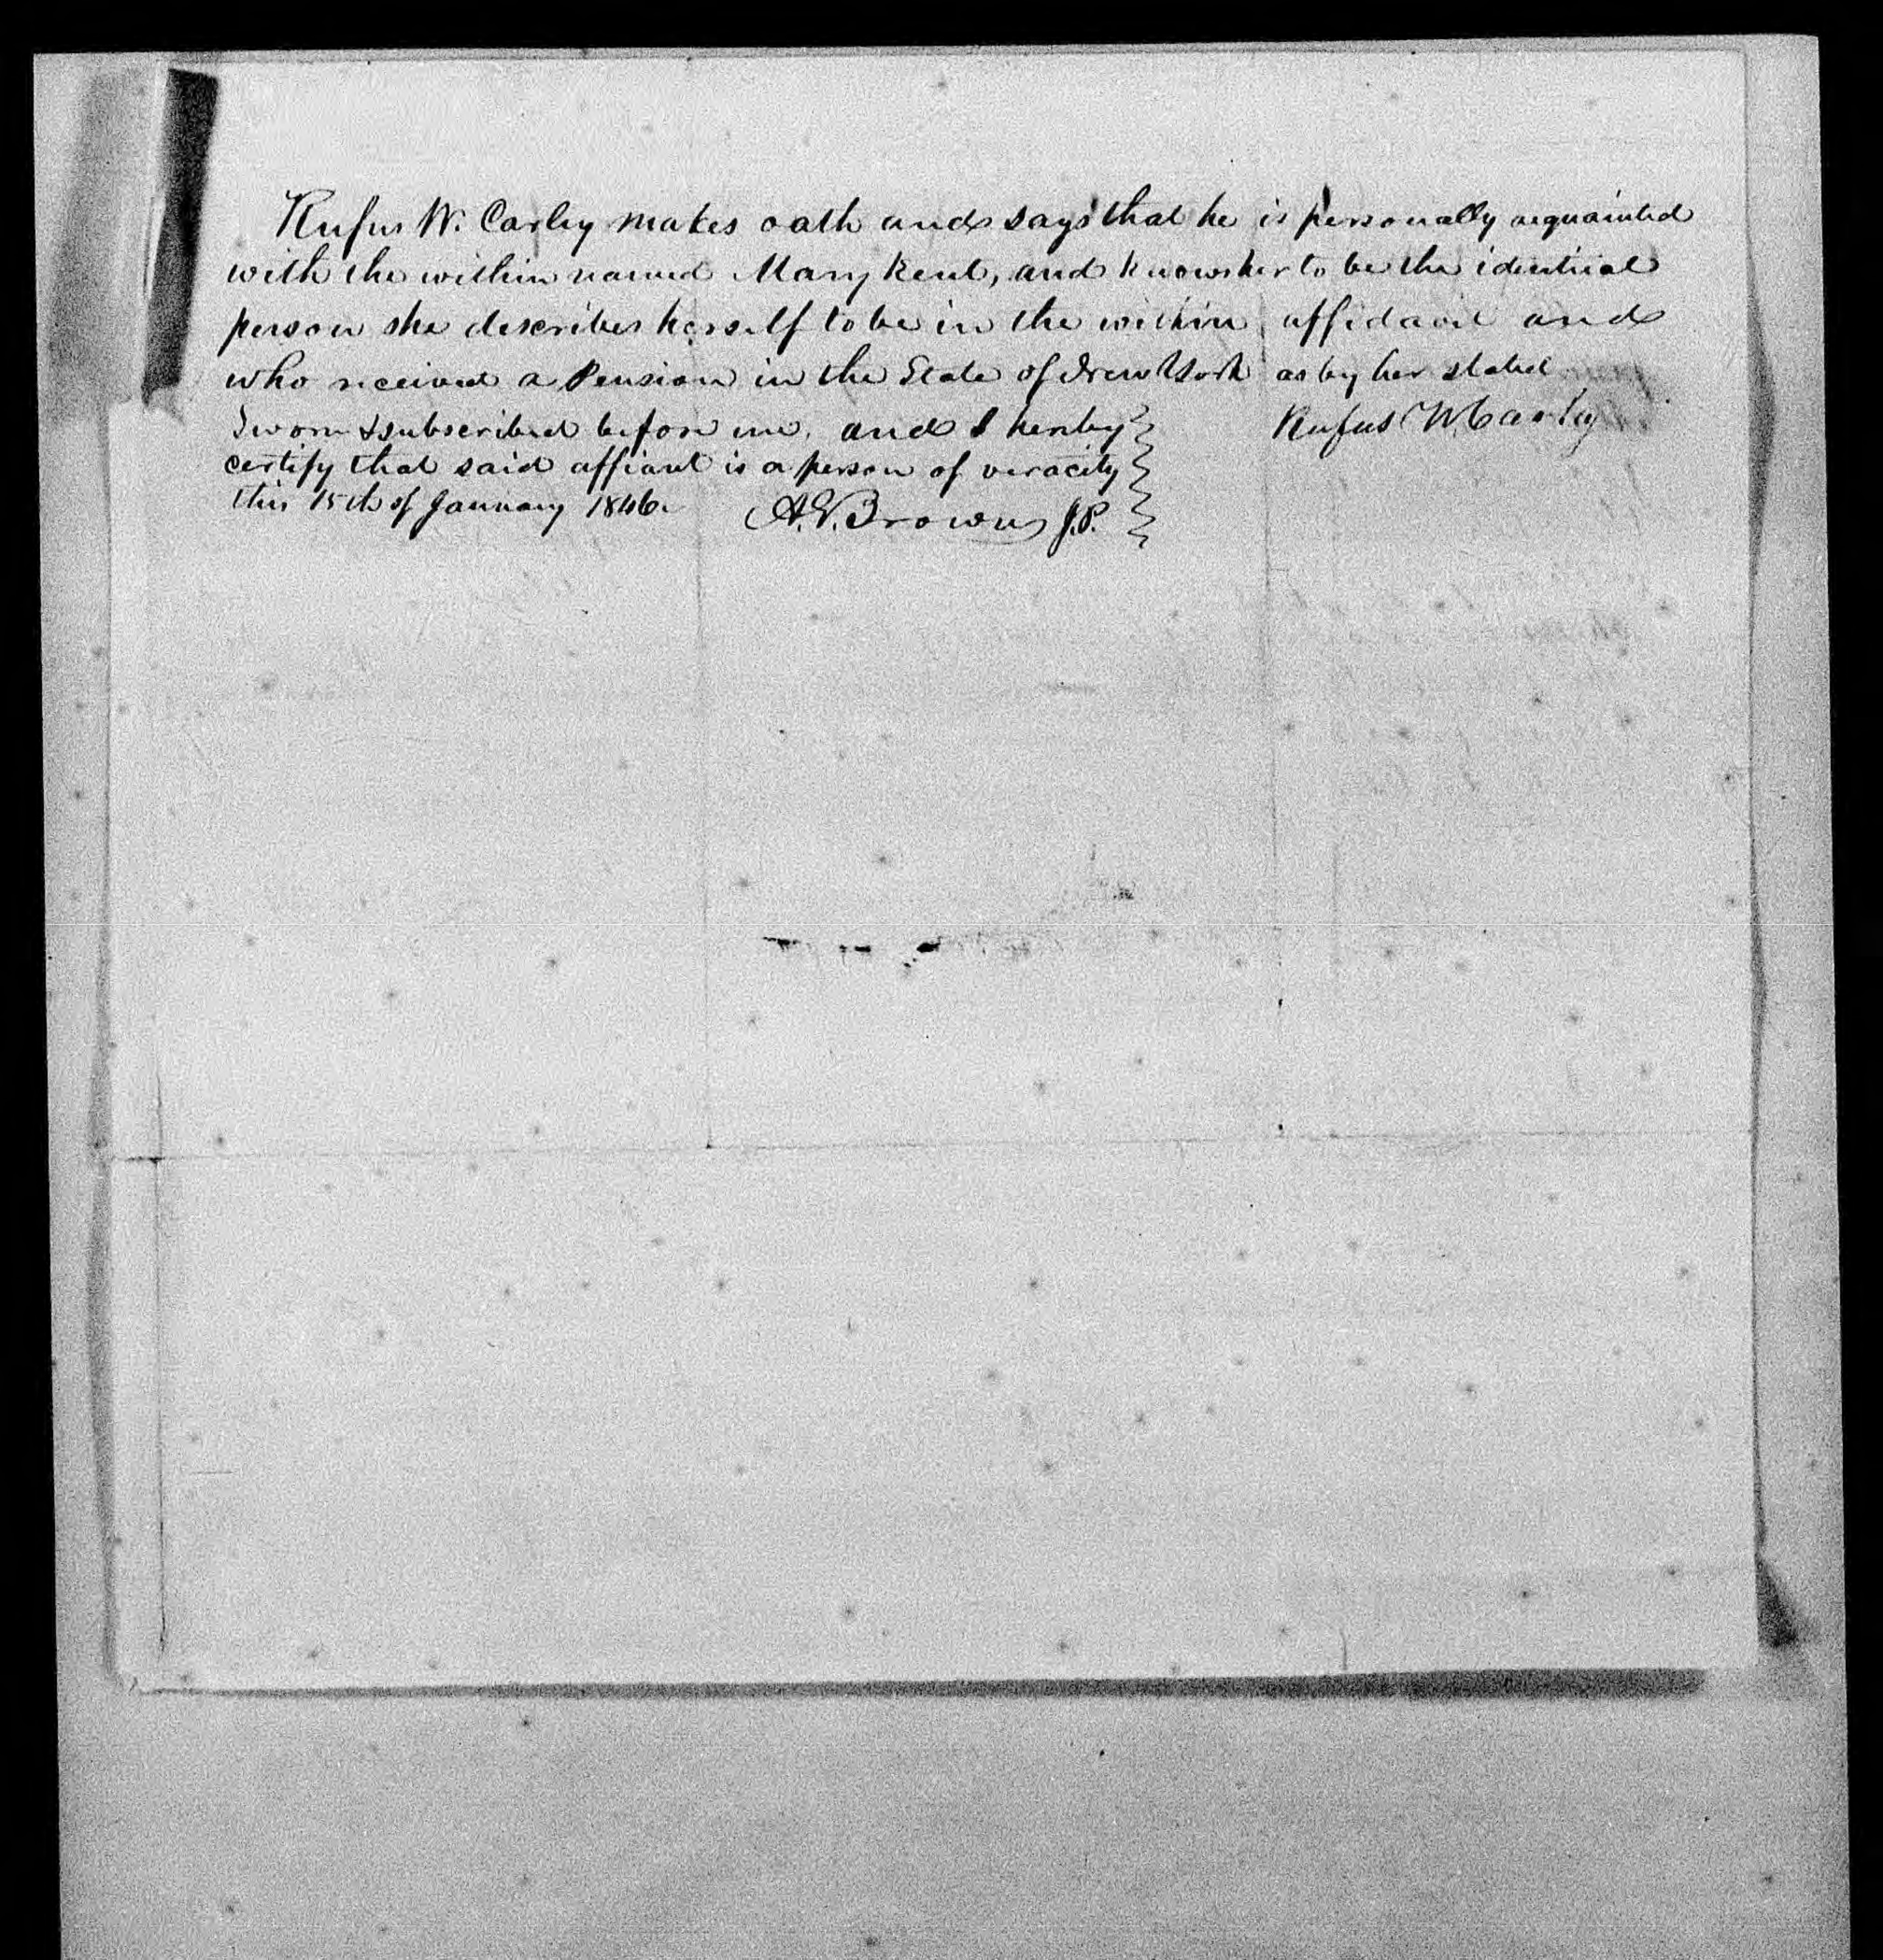Rufus W. Carley makes oath and says that he is personally acquainted with the within named Mary Kent, and knows her to be the identical
person she describes herself to be in the within
affidavit and who received a Pension in the State of New York as by her stated
Rufus W. Cary

Sworn & subscribed before me, and I hereby
certify that said affiant is a person of veracity
this 18th of January 1846
A.G. Brown J.P.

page: 13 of 50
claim: widow's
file: W. 4253, for John Kent, Vermont